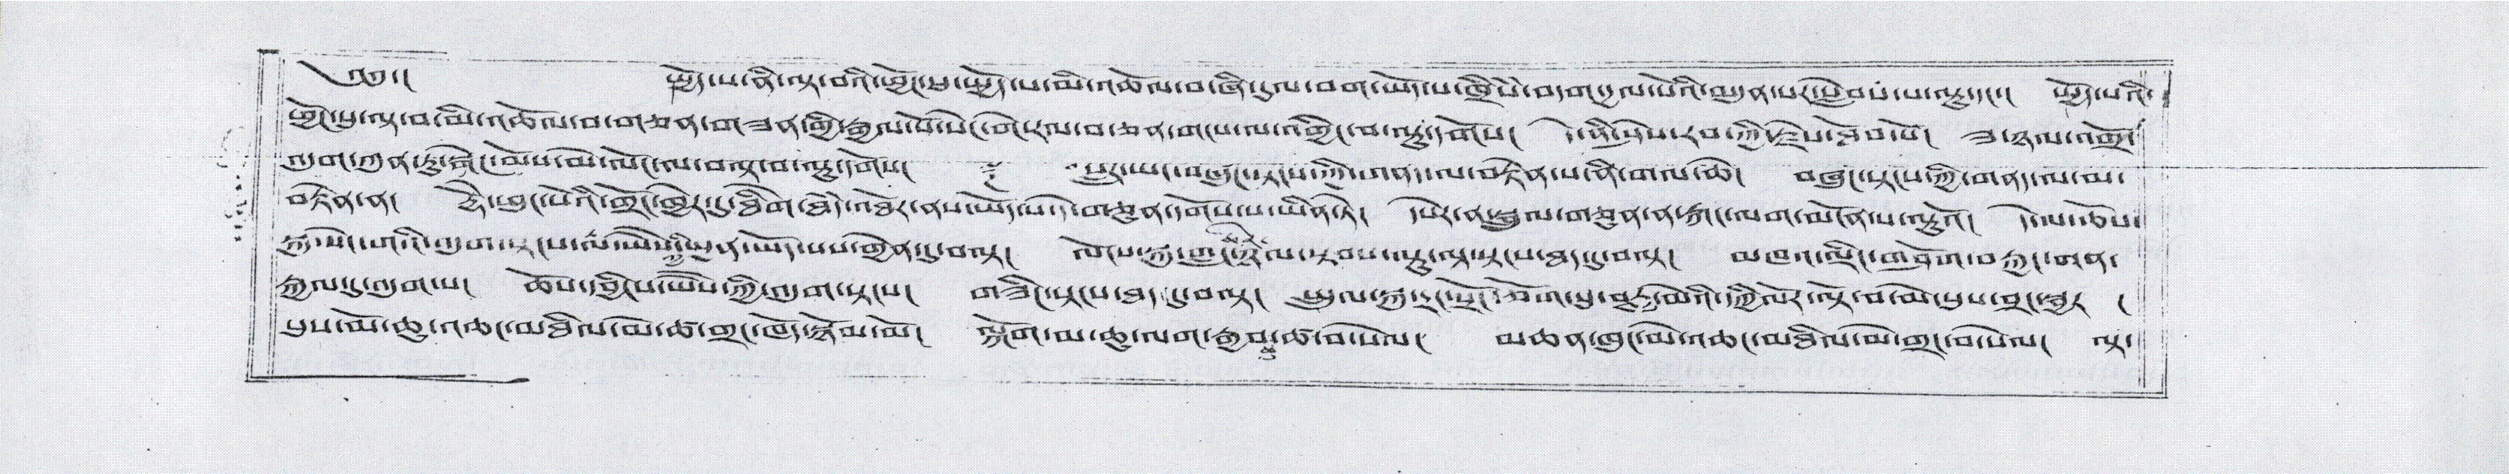སྤྱོད་པ་ནི་ལྟ་བའི་ཕྱོགས་སུ་སྤྱོད་པ་མི་འཆོལ་བ་ཞི་དུལ་བག་ཡོད་པ་ཁྲིམས་བདག་རྒྱལ་པོའི་མདུན་སར་སླེབས་པ་ལྟ་བུ་དང། སྤྱོད་པའི་
ཕྱོགས་སུ་ལྟ་བ་མི་འཆོལ་བ་གཅན་གཟན་གྱི་རྒྱལ་པོ་སེང་གེ་རལ་པ་ཅན་གངས་ལ་འགྱིང་བ་ལྟ་བུ་དགོས། དེ་ནི་ཤེས་རབ་ཀྱི་རྗེས་ཐོབ་བོ། ཟ་ཉལ་འགྲོ་
འདུག་ཀུན་ཏུ་སྒེགས་མོས་མེ་ལོང་ལ་བལྟ་བ་ལྟ་བུ་དགོས། ༑ སླར་ཡང་བཞུགས་སྟངས་ཀྱི་གནད་ལ་བརྟེན་པ་ནི་གལ་ཆེ། བཞུགས་སྟངས་ཀྱི་གནད་ལ་མ་
བརྟེན་ན། རྡོ་རྗེ་ཕུང་པོའི་གྲོང་ཁྱེར་དུ་ཐིག་ལེ་ཐམས་ཅད་འཐོར་ནས་ཡོད་པ་དེ་གཅུན་དགོས་པ་ཡིན་ཏེ། དཔེར་ན་སྦྲུལ་གཅུན་ན་རྐང་ལག་མངོན་པ་ལྟ་བུའོ། དེ་ལ་ཆོས་
སྐུ་སེང་གེའི་འདུག་སྟངས་ལ་ཡེ་ཤེས་ཀྱི་སྤྱན་ཡོད་པས་གྱེན་དུ་བལྟ། ལོངས་སྐུ་གླང་ཆེན་ཉལ་སྟབས་ལྟ་བུ་ལྟ་སྟངས་ཐད་དུ་བལྟ། མཁའ་ལྡིང་གཤོག་བརྐྱང་གན་
རྐྱལ་དུ་འདུག་པ། ཆོས་དབྱིངས་ཡེ་ཤེས་ཀྱི་འདུག་སྟངས། གཟིགས་སྟངས་ཐད་དུ་བལྟ། སྤྲུལ་སྐུ་དྲང་སྲོང་ཅོག་པུ་བརླ་མེའི་དཀྱིལ་འཁོར་ལྟོ་བ་མེ་པུས་བྲང་སྦྱར་
པུས་མོ་ཆུ་འཆང་མཐིལ་མོ་ཚ་གྲང་ཁོད་སྙོམ་མོ། ལྐོག་མ་ཆུ་ལག་རྒྱབ་ཆུ་ཚ་བ་སེལ། མཆན་ཁུང་མེ་འཆང་མཐིལ་མོ་གྲང་བ་སེལ། ལྟ་